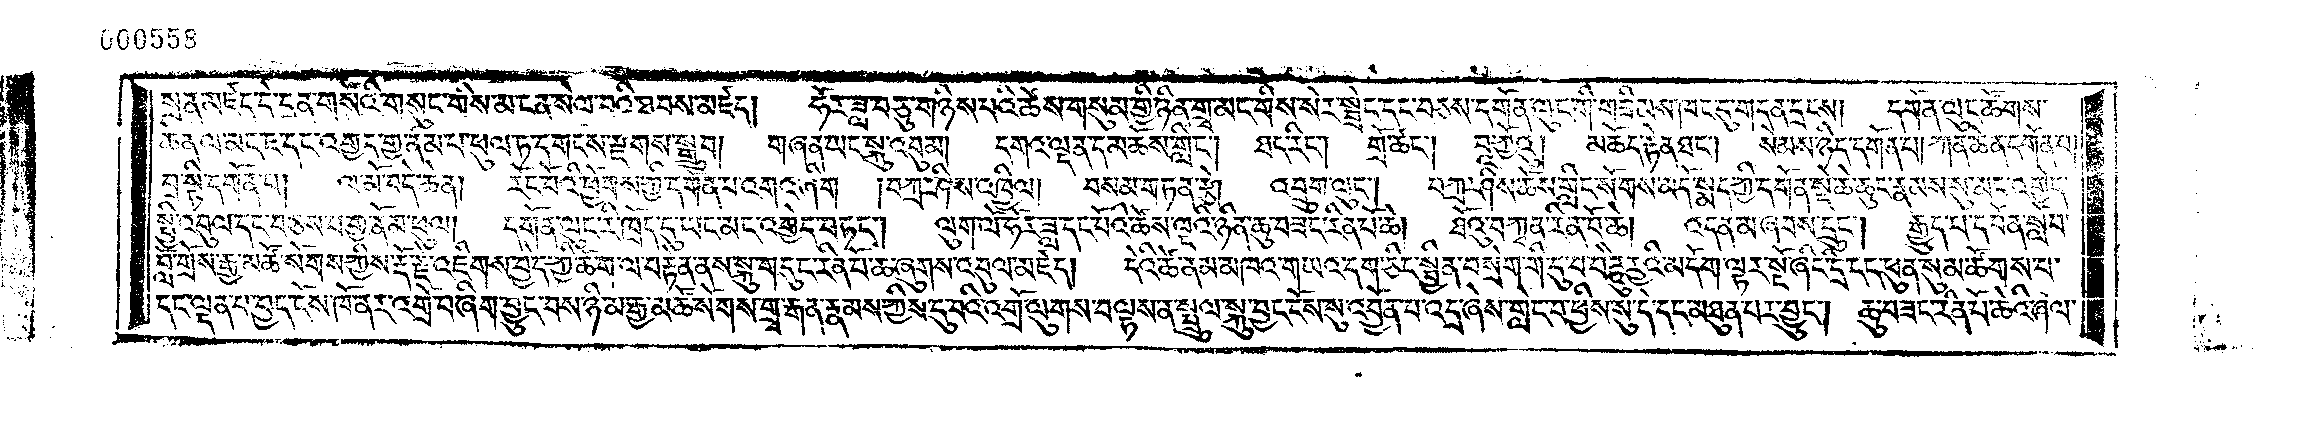སྲན་མཛད་དེ་དྲན་གསོའི་གསུང་གིས་མྱ་ངན་སེལ་བའི་ཐབས་མཛད། ཧོར་ཟླ་བཅུ་གཉིས་པའི་ཚེས་གསུམ་གྱི་ཉིན་གྲྭ་མང་གིས་སེར་སྦྲེང་དང་བཅས་དགོན་ལུང་གི་གཟིམས་ཁང་དུ་གདན་དྲངས། དགོན་ལུང་ཚོགས་
ཆེན་ལ་མང་ཇ་དང་འགྱེད་གྱ་ནོམ་པ་ཕུལ་ཏེ་དགོངས་རྫོགས་སྒྲུབ། གཞན་ཡང་སྐུ་འབུམ། དགའ་ལྡན་དམ་ཆོས་གླིང་། ཐད་རིང་། གྲོ་ཚང་། བཱ་ཀྱོའུ། མཆོད་རྟེན་ཐང་། སེམས་ཉིད་དགོན་པ། ཀན་ཆེན་དགོན་པ།
བྲ་སྟི་དགོན་པ། ལ་མོ་བདེ་ཆེན། རོང་པོའི་ཕྱོགས་ཀྱི་དགོན་པ་འགའ་ཞིག །བཀྲ་ཤིས་འཁྱིལ། བསམ་གཏན་རྩེ། འབྲུག་ལུང་། བཀྲ་ཤིས་ཆོས་གླིང་སོགས་མདོ་སྨད་ཀྱི་དགོན་སྡེ་ཆེ་ཆུང་རྣམས་སུ་མང་འགྱེད་
སྤྱི་འབུལ་དང་བཅས་པ་གྱ་ནོམ་ཕུལ། དགོན་ལུང་རི་ཁྲོད་དུ་ཡང་མང་འགྱེད་བཏང་། ལུག་ལོ་ཧོར་ཟླ་དང་པོའི་ཚེས་ལྔའི་ཉིན་ཆུ་བཟང་རིན་པོ་ཆེ། ཐོའུ་བཀྭན་རིན་པོ་ཆེ། འདན་མ་ཞབས་དྲུང་། རྒྱུད་པ་དབོན་སློབ་
བློ་གྲོས་རྒྱ་མཚོ་སོགས་ཀྱིས་རྡོ་རྗེ་འཇིགས་བྱེད་ཀྱི་ཆོ་ག་ལ་བརྟེན་ནས་སྐུ་གདུང་རིན་པོ་ཆེ་ཞུགས་འབུལ་མཛད། དེའི་ཚེ་ནམ་མཁའ་གཡའ་དག་ཅིང་སྦྱིན་བསྲེག་གི་དུ་བ་བཻཌཱུརྱའི་མདོག་ལྟར་སྔོ་ཞིང་དྲི་དད་ཕུན་སུམ་ཚོགས་པ་
དང་ལྡན་པ་བྱད་ངོས་ཁོ་ནར་འགྲོ་བ་ཞིག་བྱུང་བས་ཉི་མ་རྒྱ་མཚོ་སོགས་གྲྭ་རྒན་རྣམས་ཀྱིས་དུ་བའི་འགྲོ་ལུགས་བལྟས་ན་སྤྲུལ་སྐུ་བྱང་ངོས་སུ་འབྱོན་པ་འདྲ་ཞེས་གླེང་བ་ཕྱིས་སུ་དེ་དང་མཐུན་པར་བྱུང་། ཆུ་བཟང་རིན་པོ་ཆེའི་ཞལ་